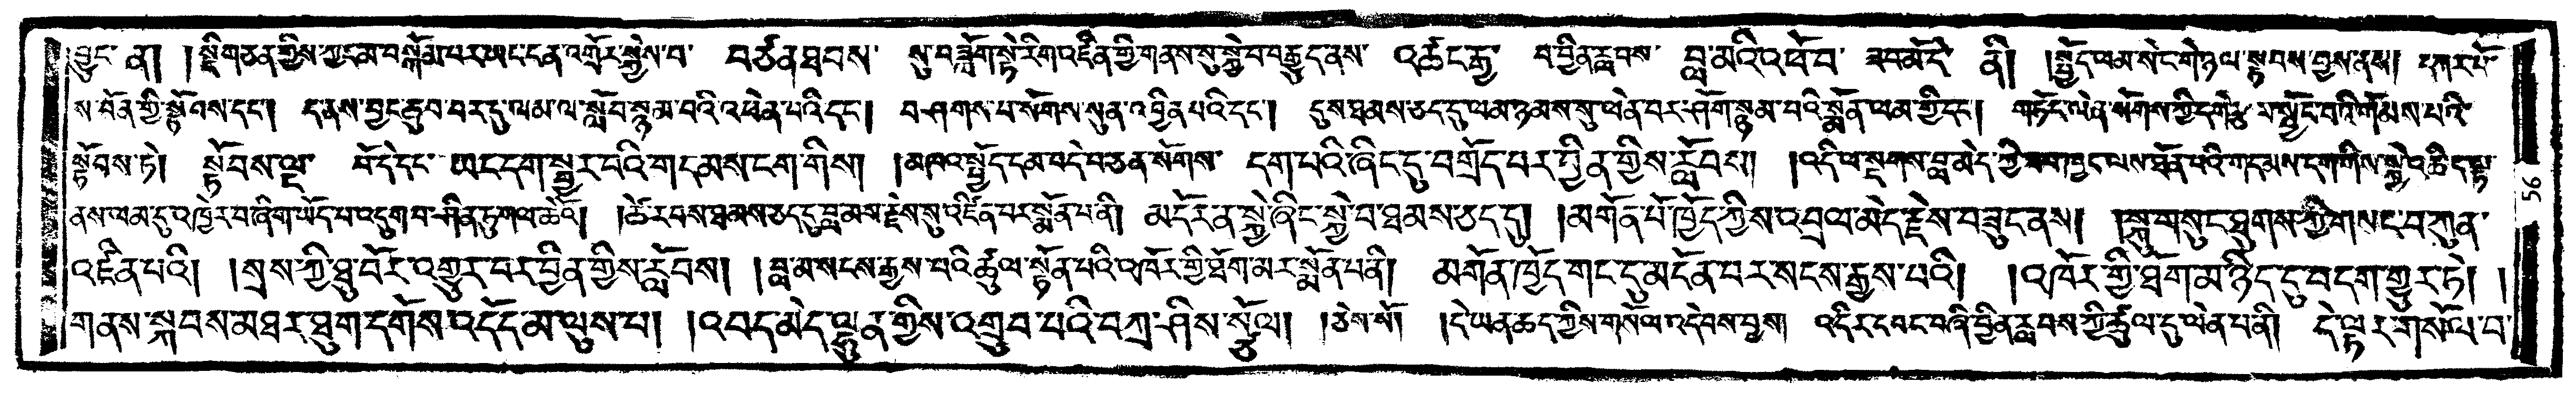བྱུང་ན། །སྡིག་ཅན་གྱིས་ཀྱང་མ་བསྐོམ་པར་ཡང་ངན་འགྲོར་སྐྱེས་བ་བཙན་ཐབས་སུ་བཟློག་སྟེ་རིག་འཛིན་གྱི་གནས་སུ་སྐྱེ་བ་བརྒྱུད་ནས་འཚང་རྒྱ་བ་བྱིན་རླབས་བླ་མའི་འཕོ་བ་ཟབ་མོ་དེ་ནི། །སྤྱོད་ལམ་སེང་གེ་ཉལ་སྟབས་བྱས་ནས། དཀར་པོ་
ས་བོན་གྱི་སྟོབས་དང་། ད་ནས་བྱང་ཆུབ་བར་དུ་ལམ་ལ་སློབ་སྙམ་པའི་འཕེན་པའི་དང་། བཤགས་པ་སོགས་སུན་འབྱིན་པའི་དང་། དུས་ཐམས་ཅད་དུ་ལམ་ཉམས་སུ་ལེན་པར་ཤོག་སྙམ་པའི་སྨོན་ལམ་གྱི་དང་། གཏོང་ལེན་སོགས་ཀྱི་དགེ་རྩལ་སྦྱོང་བའི་གོམས་པའི་
སྟོབས་ཏེ། སྟོབས་ལྔ་པོ་དེ་དང་ཡང་དག་སྦྱར་བའི་གདམས་ངག་གིས། །མཁའ་སྤྱོད་དམ་བདེ་བ་ཅན་སོགས་དག་པའི་ཞིང་དུ་བགྲོད་པར་བྱིན་གྱིས་རློབས། །འདི་ལ་སྔགས་བླ་མེད་ཀྱི་ཟབ་ཁྱད་ལས་ཐོན་པའི་གདམས་ངག་གིས་སྐྱེ་འཆིད་ལྟ་
ནས་ལམ་དུ་འཁྱེར་བ་ཞིག་ཡོད་པ་བདུག་བ་ཤིན་ཏུ་གལ་ཆེའོ། །ཚེ་རབས་ཐམས་ཅད་དུ་བླ་མས་རྗེས་སུ་འཛིན་པར་སྨོན་པ་ནི། མདོར་ན་སྐྱེ་ཞིང་སྐྱེ་བ་ཐམས་ཅད་དུ། །མགོན་པོ་ཁྱོད་ཀྱིས་འབྲལ་མེད་རྗེས་བཟུང་ནས། །སྐུ་གསུང་ཐུགས་ཀྱི་གསང་བ་ཀུན་
འཛིན་པའི། །སྲས་ཀྱི་ཐུ་བོར་འགྱུར་བར་བྱིན་གྱིས་རློབས། །བླ་མ་སངས་རྒྱས་བའི་ཚུལ་སྟོན་པའི་འཁོར་གྱི་ཐོག་མར་སྨོན་པ་ནི། མགོན་ཁྱོད་གང་དུ་མངོན་པར་སངས་རྒྱས་པའི། །འཁོར་གྱི་ཐོག་མ་ཉིད་དུ་བདག་གྱུར་ཏེ། །
གནས་སྐབས་མཐར་ཐུག་དགོས་འདོད་མ་ལུས་པ། །འབད་མེད་ལྷུན་གྱིས་འགྲུབ་པའི་བཀྲ་ཤིས་སྩོལ། །ཅེས་སོ། །དེ་ཡན་ཆད་ཀྱིས་གསོལ་འདེབས་བྱས། འདིར་དབང་བཞི་བྱིན་རླབས་ཀྱི་ཚུལ་དུ་ལེན་པ་ནི། དེ་ལྟར་གསོལ་པ་